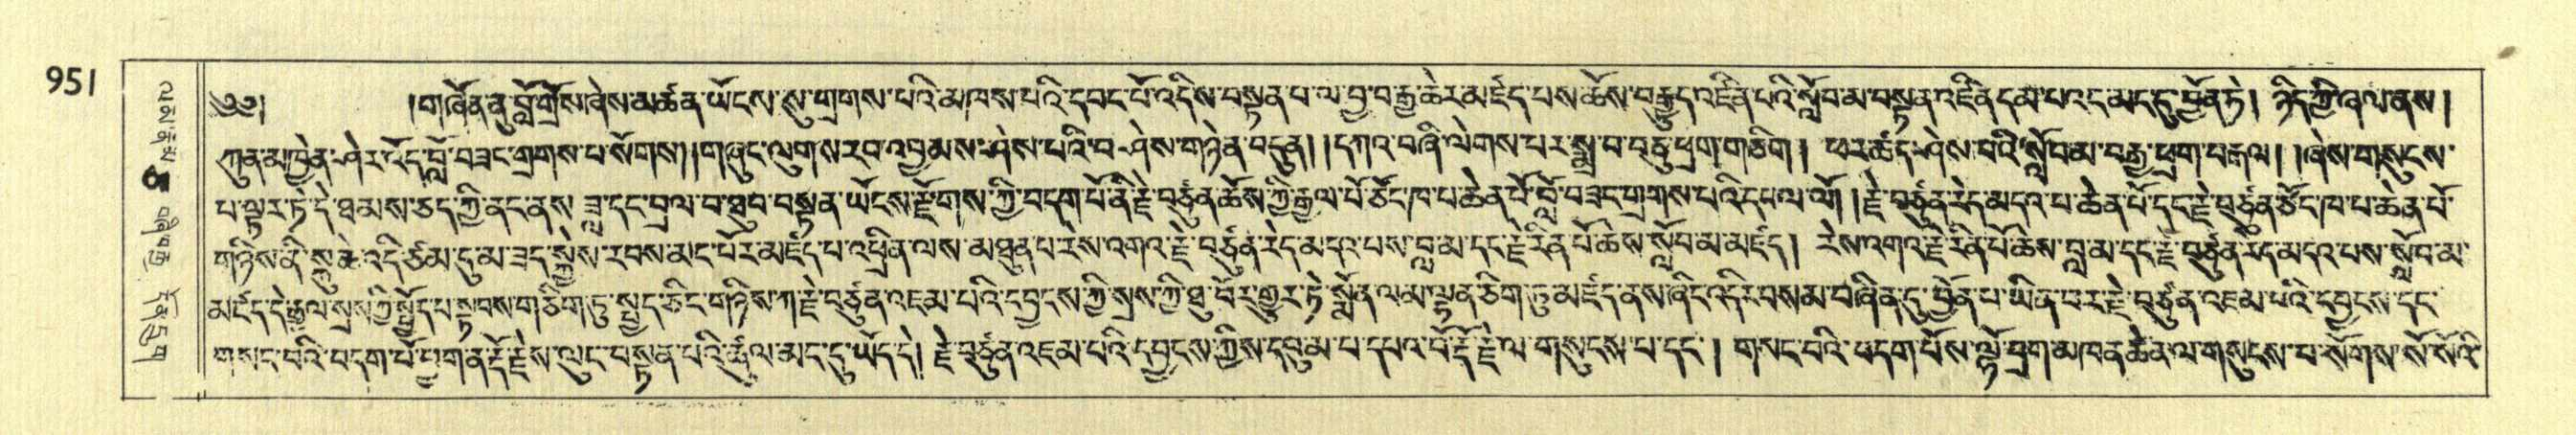༄༅། །གཞོན་ནུ་བློ་གྲོས་ཞེས་མཚན་ཡོངས་སུ་གྲགས་པའི་མཁས་པའི་དབང་པོ་འདིས་བསྟན་པ་ལ་བྱ་བ་རྒྱ་ཆེར་མཛད་པས་ཆོས་བརྒྱུད་འཛིན་པའི་སློབ་མ་བསྟན་འཛིན་དམ་པའང་མང་དུ་བྱོན་ཏེ། ཉིད་ཀྱི་ཞལ་ནས།
ཀུན་མཁྱེན་ཤེར་འོད་བློ་བཟང་གྲགས་པ་སོགས། །གཞུང་ལུགས་རབ་འབྱམས་ཤེས་པའི་བཤེས་གཉེན་བདུན། །དཀའ་བཞི་ལེགས་པར་སྨྲ་བ་བཅུ་ཕྲག་གཅིག། ཕར་ཚད་ཤེས་བའི་སློབ་མ་བརྒྱ་ཕྲག་བརྒལ། །ཞེས་གསུངས་
པ་ལྟར་ཏེ་དེ་ཐམས་ཅད་ཀྱི་ནང་ནས་ཟླ་དང་བྲལ་བ་ཐུབ་བསྟན་ཡོངས་རྫོགས་ཀྱི་བདག་པོ་ནི་རྗེ་བཙུན་ཆོས་ཀྱི་རྒྱལ་པོ་ཙོང་ཁ་པ་ཆེན་པོ་བློ་བཟང་གྲགས་པའི་དཔལ་ལོ། །རྗེ་བཙུན་རེད་མདའ་པ་ཆེན་པོ་དང་རྗེ་བཙུན་ཙོང་ཁ་པ་ཆེན་པོ་
གཉིས་ནི་སྐུ་ཆེ་འདི་ཙམ་དུ་མ་ཟད་སྐྱེས་རབས་མང་པོར་མཛད་པ་འཕྲིན་ལས་མཐུན་པ་རེས་འགའ་རྗེ་བཙུན་རེད་མདའ་པས་བླ་མ་དང་རྗེ་རིན་པོ་ཆེས་སློབ་མ་མཛད། རེས་འགའ་རྗེ་རིན་པོ་ཆེས་བླ་མ་དང་རྗེ་བཙུན་རེད་མདའ་པས་སློབ་མ་
མཛད་དེ་རྒྱལ་སྲས་ཀྱི་སྤྱོད་པ་སྟབས་གཅིག་ཏུ་སྤྱད་ཅིང་གཉིས་ཀ་རྗེ་བཙུན་འཇམ་པའི་དབྱངས་ཀྱི་སྲས་ཀྱི་ཐུ་བོར་གྱུར་ཏེ་སྨོན་ལམ་ལྷན་ཅིག་ཏུ་མཛད་ནས་ཞིང་འདིར་བསམ་བཞིན་དུ་བྱོན་པ་ཡིན་པར་རྗེ་བཙུན་འཇམ་པའི་དབྱངས་དང་
གསང་བའི་བདག་པོ་ཕྱག་ན་རྡོ་རྗེས་ལུང་བསྟན་པའི་ཚུལ་མང་དུ་ཡོད་དེ། རྗེ་བཙུན་འཇམ་པའི་དབྱངས་ཀྱིས་དབུ་མ་པ་དཔའ་བོ་རྡོ་རྗེ་ལ་གསུངས་པ་དང་། གསང་བའི་བདག་པོས་ལྷོ་བྲག་མཁན་ཆེན་ལ་གསུངས་པ་སོགས་སོ་སོའི་